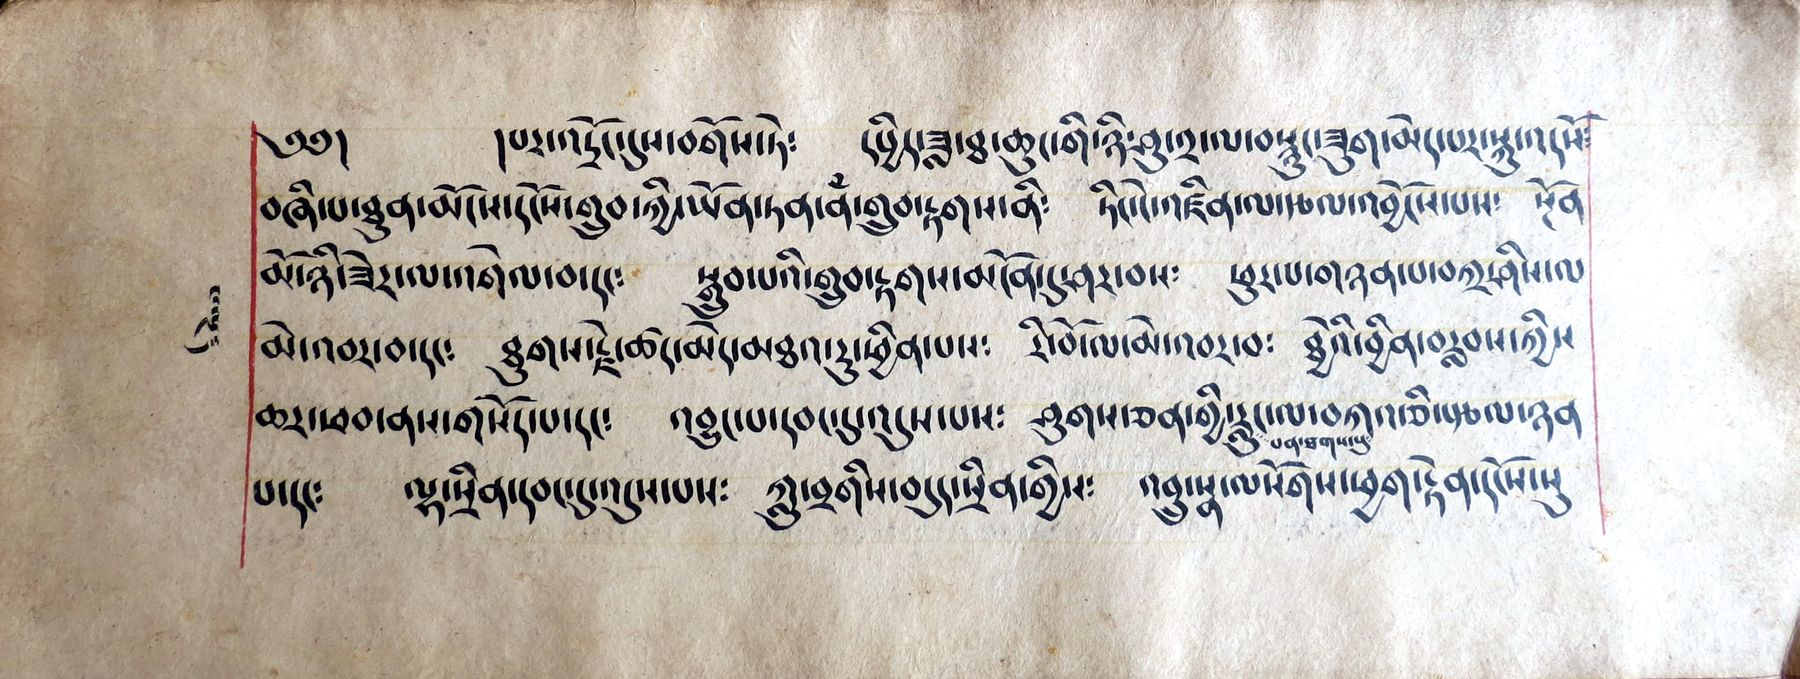པར་འདྲོངས་དུས་བགོས་ཏེ། དཔྱིད་ཟླ་ཐ་ཆུང་གི་ཉི་ཤུ་གཉིས་ལ་བསྙུང་ཟུག་མེད་པར་སྐུ་འདས་སོ། །
བཞི་པ་ཐུན་མོང་དངོས་གྲུབ་ཀྱི་ཡོན་ཏན་ནམ་གྲུབ་རྟགས་ནི། ཏིང་ངེ་འཛིན་ལ་རྩལ་འབྱོང་པས། སྔོན་
མོ་ཉི་ཟེར་ལ་འགེལ་བ་དང་། བསྒྲུབས་པའི་གྲུབ་རྟགས་མངོན་དུ་ཤར་བས། ཕུར་པ་གཉན་པ་བཀྲ་ཤིས་ལ་
མེ་འབར་བ་དང་། ཐུགས་རྗེ་ཚད་མེད་མཐའ་རུ་ཕྱིན་པས། རི་བོ་ལ་མེ་འབར་བ་ཐུགས་རྗེའི་བྱིན་རླབས་ཀྱིས་
ཆར་ཕབ་ནས་གསོད་པ་དང་། འབྱུང་བ་དབང་དུ་འདུས་པས། ཤུགས་ཅན་གྱི་རླུང་ལ་བཀའ་ཅི་སྩལ་ཉན་
པ་དང་། ལྷ་སྲིན་དབང་དུ་འདུས་པས། ཀླུ་བྲག་གིས་བདུད་སྲིན་གྱིས་འབྲུ་སྣ་ལ་སོགས་ཕྱག་རྟེན་དངོས་སུ་